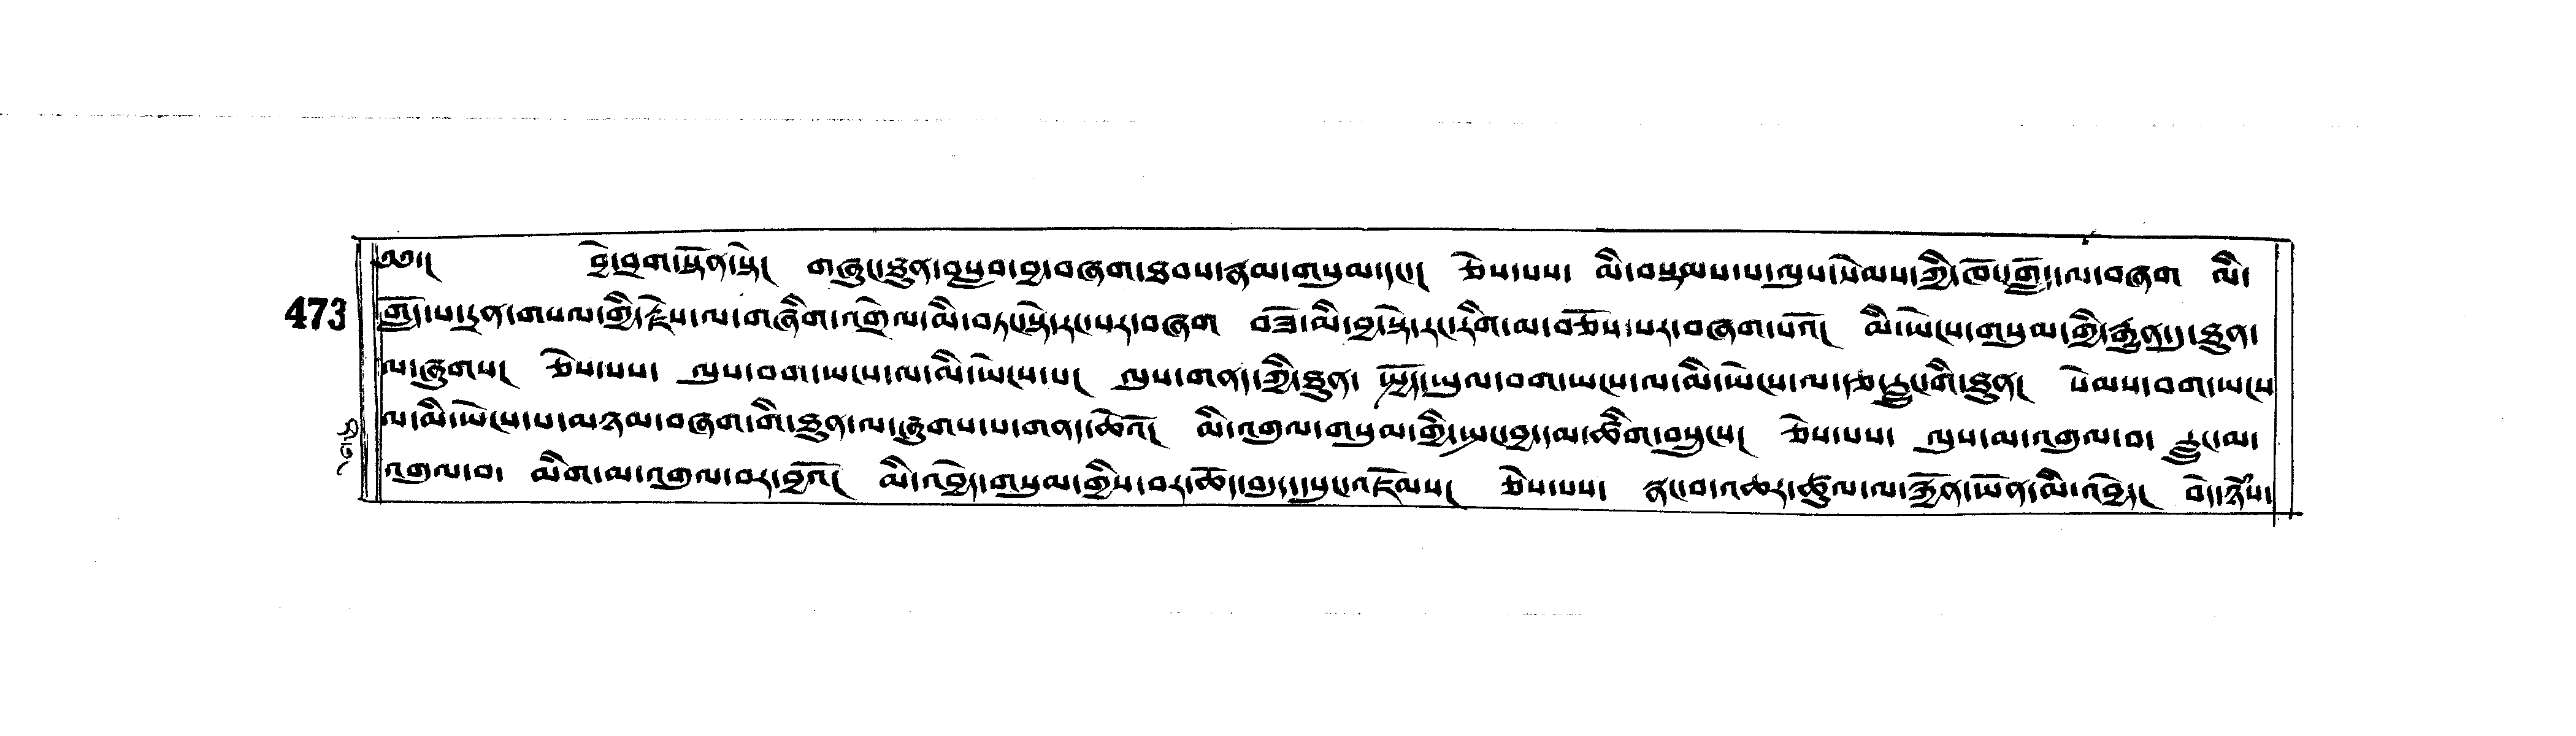བྱེ་བྲག་སྟོན་ཏེ། གཞུང་ཐུན་བསླབ་བྱ་བཞག་ཐབས་རྣམ་གསུམ་དང་། ཅེས་པས། མི་བསྡམས་པ་ལུས་སེམས་ཁོང་གློད་ལ་བཞག མི་
གློད་པ་དྲན་གསལ་གྱི་རྗེས་ལ་གཞིག་འགྲེལ་མི་གཏོང་སྟེ་རང་སར་བཞག བཟོ་མི་བྱ་སྟེ་རང་རིག་མ་བཅོས་པར་བཞག་པའོ། མི་ཡེངས་གསུམ་གྱིས་རྒྱུན་དུ་ཐུན་
ལ་ཞུགས། ཅེས་པས། ལུས་བག་ཡངས་ལ་མི་ཡེངས་པ། ལུས་གནད་ཀྱི་ཐུན་ སྤྱོད་ཡུལ་བག་ཡངས་ལ་མི་ཡེངས་ལ་རྩ་རླུང་གི་ཐུན། སེམས་བག་ཡངས་
ལ་མི་ཡེངས་པ་མཉམ་གཞག་གི་ཐུན་ལ་ཞུགས་པ་གནད་ཆེའོ། མི་འགུལ་གསུམ་གྱི་སྤང་བྱ་དམ་ཚིག་བསྲུངས། ཅེས་པས། ལུས་མ་འགུལ་བ། རླུང་མ་
འགུལ་བ། མིག་མ་འགུལ་བར་བྱའོ། མི་འབྱེད་གསུམ་གྱིས་བར་ཆད་བདུད་དཔུང་འཇོམས། ཅེས་པས། སྣང་བ་འཆར་ཚུལ་ལ་སྐྱོན་ཡོན་མི་འབྱེད། བདེ་ཉམས་